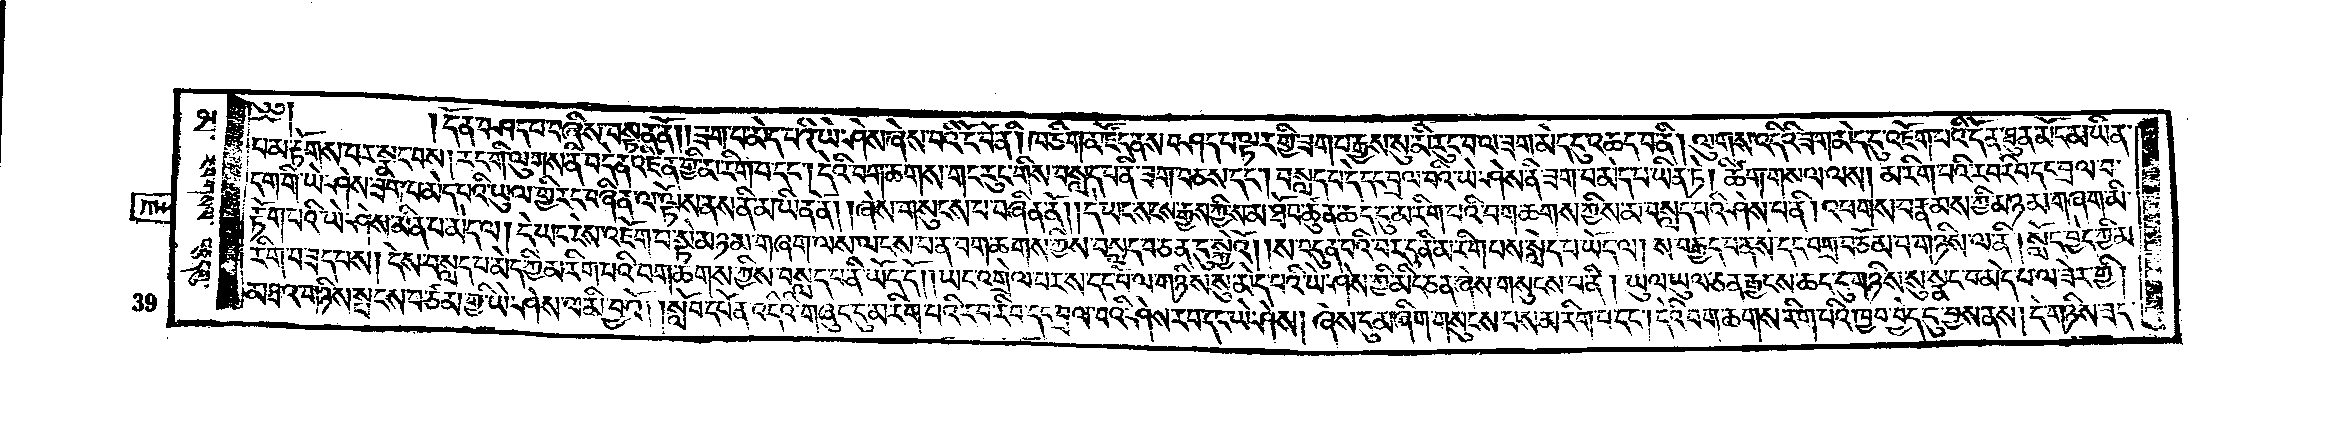༄༅། །དོན་བཤད་པ་བཞིས་བསྟན་ནོ། །ཟག་པ་མེད་པའི་ཡེ་ཤེས་ཞེས་པའི་ངོ་བོ་ནི། ཁ་ཅིག་མཛོད་ནས་བཤད་པ་ལྟར་གྱི་ཟག་པ་རྒྱས་སུ་མི་རུང་བ་ལ་ཟག་མེད་དུ་འཆད་པ་ནི། ལུགས་འདིའི་ཟག་མེད་དུ་འཇོག་པའི་དོན་ཐུན་མོང་མ་ཡིན་
པ་མ་རྟོགས་པར་སྣང་བས། རང་གི་ལུགས་ནི་བདེན་འཛིན་གྱི་མ་རིག་པ་དང་། དེའི་བག་ཆགས་གང་རུང་གིས་བསླད་པ་ནི་ཟག་བཅས་དང་། བསླད་པ་དེ་དང་བྲལ་བའི་ཡེ་ཤེས་ནི་ཟག་པ་མེད་པ་ཡིན་ཏེ། ཚིག་གསལ་ལས། མ་རིག་པའི་རབ་རིབ་དང་བྲལ་བ་
དག་གི་ཡེ་ཤེས་ཟག་པ་མེད་པའི་ཡུལ་གྱི་རང་བཞིན་ལ་ལྟོས་ནས་ནི་མ་ཡིན་ནོ། །ཞེས་གསུངས་པ་བཞིན་ནོ། །དེ་ཡང་སངས་རྒྱས་ཀྱི་ས་མ་ཐོབ་ཚུན་ཆད་དུ་མ་རིག་པའི་བག་ཆགས་ཀྱིས་མ་བསླད་པའི་ཤེས་པ་ནི། འཕགས་པ་རྣམས་ཀྱི་མཉམ་གཞག་མི་
རྟོག་པའི་ཡེ་ཤེས་མིན་པ་མེད་ལ། དེ་ཡང་རེས་འཇོག་པ་སྟེ་མཉམ་གཞག་ལས་ལངས་པ་ན་བག་ཆགས་ཀྱིས་བསླད་པ་ཅན་དུ་སྐྱེའོ། །ས་བདུན་པའི་བར་དུ་ནི་མ་རིག་པས་སླད་པ་ཡོད་ལ། ས་བརྒྱད་པ་ནས་དང་དགྲ་བཅོམ་པ་གཉིས་ལ་ནི། སློང་བྱེད་ཀྱི་མ་
རིག་པ་ཟད་པས། དེས་བསླད་པ་མེད་ཀྱི་མ་རིག་པའི་བག་ཆགས་ཀྱིས་བསླད་པ་ནི་ཡོད་དོ། །ཡང་འགྲེལ་པར་ས་དང་པོ་ལ་གཉིས་སུ་མེད་པའི་ཡེ་ཤེས་ཀྱི་མིང་ཅན་ཞེས་གསུངས་པ་ནི། ཡུལ་ཡུལ་ཅན་རྒྱངས་ཆད་དུ་གཉིས་སུ་སྣང་བ་མེད་པ་ལ་ཟེར་གྱི།
མཐའ་གཉིས་སྤངས་པ་ཙམ་གྱི་ཡེ་ཤེས་ལ་མི་བྱའོ། །སློབ་དཔོན་འདིའི་གཞུང་དུ་མ་རིག་པའི་རབ་རིབ་དང་བྲལ་བའི་ཤེས་རབ་དང་ཡེ་ཤེས། ཞེས་དུ་མ་ཞིག་གསུངས་པས་མ་རིག་པ་དང་། དེའི་བག་ཆགས་རིག་པའི་ཁྱབ་བྱེད་དུ་བྱས་ནས། དེ་གཉིས་ཟད་